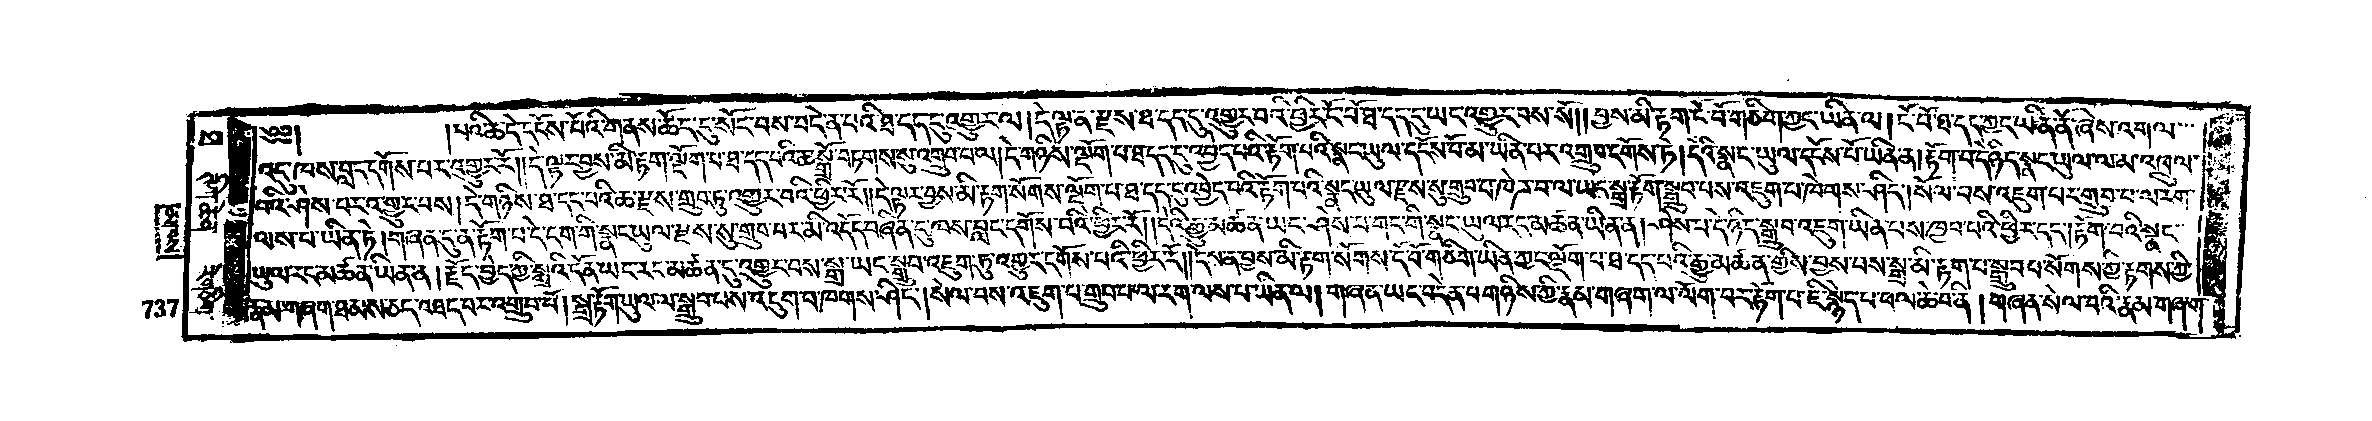༄༅། །པའི་ཆ་དེ་དངོས་པོའི་གནས་ཚོད་དུ་སོང་བས་བདེན་པའི་ཐ་དད་དུ་འགྱུར་ལ། དེ་ལྟ་ན་རྫས་ཐ་དད་དུ་འགྱུར་བའི་ཕྱིར་ངོ་བོ་ཐ་དད་དུ་ཡང་འགྱུར་བས་སོ། །བྱས་མི་རྟག་ངོ་བོ་གཅིག་ཀྱང་ཡིན་ལ། ངོ་བོ་ཐ་དད་ཀྱང་ཡིན་ནོ་ཞེས་འགལ་
འདུ་ཁས་བླང་དགོས་པར་འགྱུར་རོ། །དེ་ལྟར་བྱས་མི་རྟག་ལྡོག་པ་ཐ་དད་པའི་ཆ་སྒྲོ་བཏགས་སུ་འགྲུབ་པ་ལ། དེ་གཉིས་ལྡོག་པ་ཐ་དད་དུ་འབྱེད་པའི་རྟོག་པའི་སྣང་ཡུལ་དངོས་པོ་མ་ཡིན་པར་འགྲུབ་དགོས་ཏེ། དེའི་སྣང་ཡུལ་དངོས་པོ་ཡིན་ན། རྟོག་པ་དེ་ཉིད་སྣང་ཡུལ་ལ་མ་འཁྲུལ་
བའི་ཤེས་པར་འགྱུར་བས། དེ་གཉིས་ཐ་དད་པའི་ཆ་རྫས་གྲུབ་ཏུ་འགྱུར་བའི་ཕྱིར་རོ། །དེ་ལྟར་བྱས་མི་རྟག་སོགས་ལྡོག་པ་ཐ་དད་དུ་འབྱེད་པའི་རྟོག་པའི་སྣང་ཡུལ་རྫས་སུ་གྲུབ་པ་ཁེགས་པ་ལ་ཡང་སྒྲ་རྟོག་སྒྲུབ་པས་འཇུག་པ་ཁེགས་ཤིང་། སོལ་བས་འཇུག་པར་གྲུབ་པ་ལ་རག་
ལས་པ་ཡིན་ཏེ། གཞན་དུ་ན་རྟོག་པ་དེ་དག་གི་སྣང་ཡུལ་རྫས་སུ་གྲུབ་པར་མི་འདོད་བཞིན་དུ་ཁས་བླང་དགོས་པའི་ཕྱིར་རོ། །དེའི་རྒྱུ་མཚན་ཡང་ཤེས་པ་གང་གི་སྣང་ཡུལ་རང་མཚན་ཡིན་ན། ཤེས་པ་དེ་ཉིད་སྒྲུབ་འཇུག་ཡིན་པས་ཁྱབ་པའི་ཕྱིར་དང་། རྟོག་པའི་སྣང་
ཡུལ་རང་མཚན་ཡིན་ན། རྗོད་བྱེད་ཀྱི་སྒྲའི་དོན་ཡང་རང་མཚན་དུ་འགྱུར་བས་སྒྲ་ཡང་སྒྲུབ་འཇུག་ཏུ་འགྱུར་དགོས་པའི་ཕྱིར་རོ། །དེས་ན་བྱས་མི་རྟག་སོགས་ངོ་བོ་གཅིག་ཡིན་ཀྱང་ལྡོག་པ་ཐ་དད་པའི་རྒྱུ་མཚན་གྱིས་བྱས་པས་སྒྲ་མི་རྟག་པ་སྒྲུབ་པ་སོགས་ཀྱི་རྟགས་ཀྱི་
རྣམ་གཞག་ཐམས་ཅད་འཐད་པར་འགྲུབ་པོ། སྒྲ་རྟོག་ཡུལ་ལ་སྒྲུབ་པས་འཇུག་བ་ཁེགས་ཤིང་། སེལ་བས་འཇུག་པ་གྲུབ་པ་ལ་རག་ལས་པ་ཡིན་ལ། གཞན་ཡང་བདེན་པ་གཉིས་ཀྱི་རྣམ་གཞག་ལ་ལོག་པར་རྟོག་པ་ཇི་སྙེད་པ་ཕལ་ཆེ་བ་ནི། གཞན་སེལ་བའི་རྣམ་གཞག་